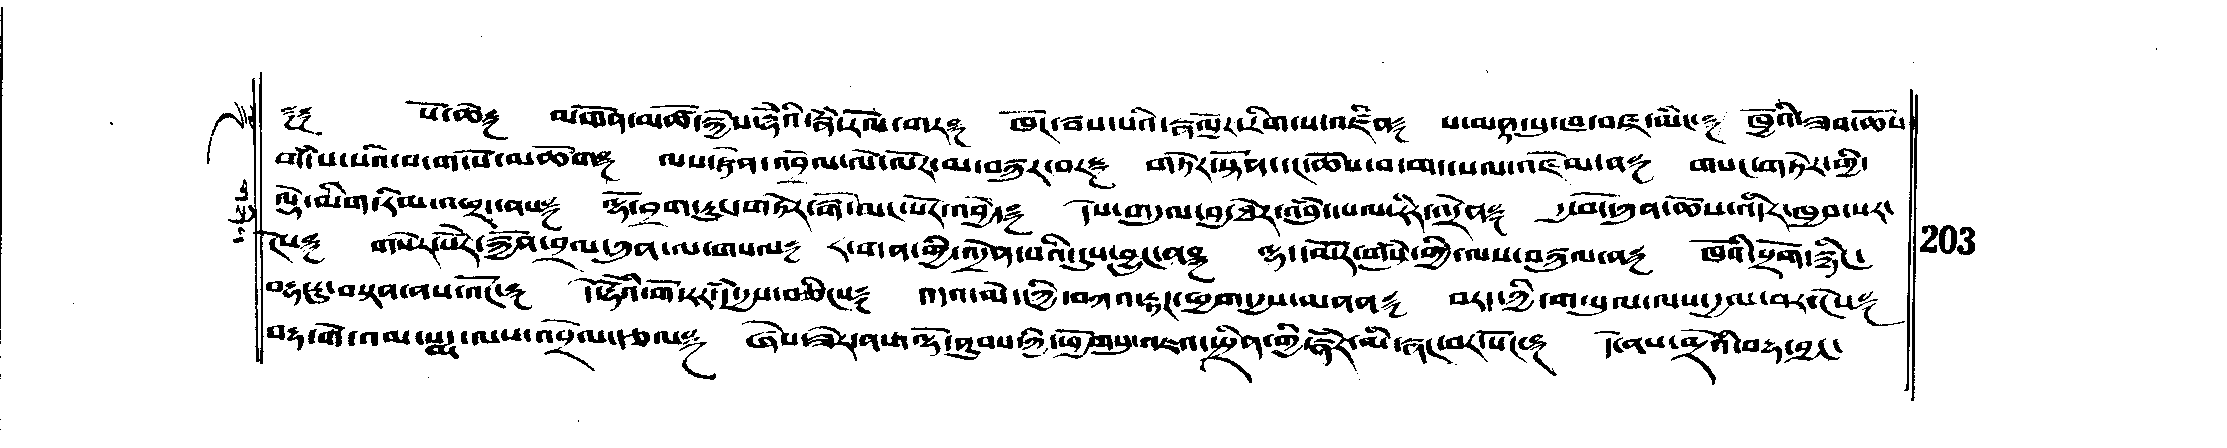པོ་ཆེ། །མགོན་མཚོ་སྐྱེས་རྡོ་རྗེའི་རྣམ་རོལ་གར། ཁོང་སྦས་པའི་རྣལ་འབྱོར་རིག་པ་འཛིན། །ས་མནྟ་སུ་ཁ་བཛྲ་མིང་། ཁྱོའི་ཟབ་ཆོས་
གདམས་པའི་བདག་པོ་མཆོག །ལས་རྟེན་འབྲེལ་ལེ་ལོར་མ་བསྐུར་བར། །གཏེར་སྟོན་དང་ཆོས་བདག་དཔལ་འཛོམ་ན། །གསང་གཏེར་གྱི་
ལྡེ་མིག་རིམ་འཕྲད་ནས། །ལྷོ་བྲག་ཏུ་གཏེར་སྒོ་མང་པོར་འབྱེད། །དེས་གདུལ་བྱ་ཐེར་འབུམ་དཔལ་རིར་འདྲེན། །རྒྱ་བོད་ཀུན་ཆོས་འདིར་ཁྱབ་པར་
ངེས། །གསེར་སེར་པོ་སྐྱོན་བྲལ་ཀུན་ལ་གསལ། །ར་གན་གྱི་འདྲེན་པའི་དུས་བྱུང་ན། །ལྷ་དམར་པོ་གསུམ་གྱི་ལས་བསྐུལ་ན། ཁོའི་སྲོག་སྙིང་
བརྡ་རུ་བསྟན་ནས་འོང་། །དེ་རྡོ་རྗེའི་གོ་རར་དམ་རྒྱས་བཅིངས། །འདའ་མེད་ཀྱི་བཀའ་རྟགས་ཕྱག་རྒྱས་མནན། །བར་ཆད་ཀྱི་གཡུལ་ལས་རྒྱལ་བར་ངེས། །
བརྡ་གོ་འམ་པདྨ་ལས་འབྲེལ་རྩལ། །ཞེས་ཟེར་ནས་ལྷོ་ནུབ་ཀྱི་ཕྱོགས་སུ་འཇའ་སྤྲིན་གྱི་རྣམ་པར་མི་སྣང་བར་སོང་། དེ་ནས་མཁའ་འགྲོའི་བརྡ་བྱང་